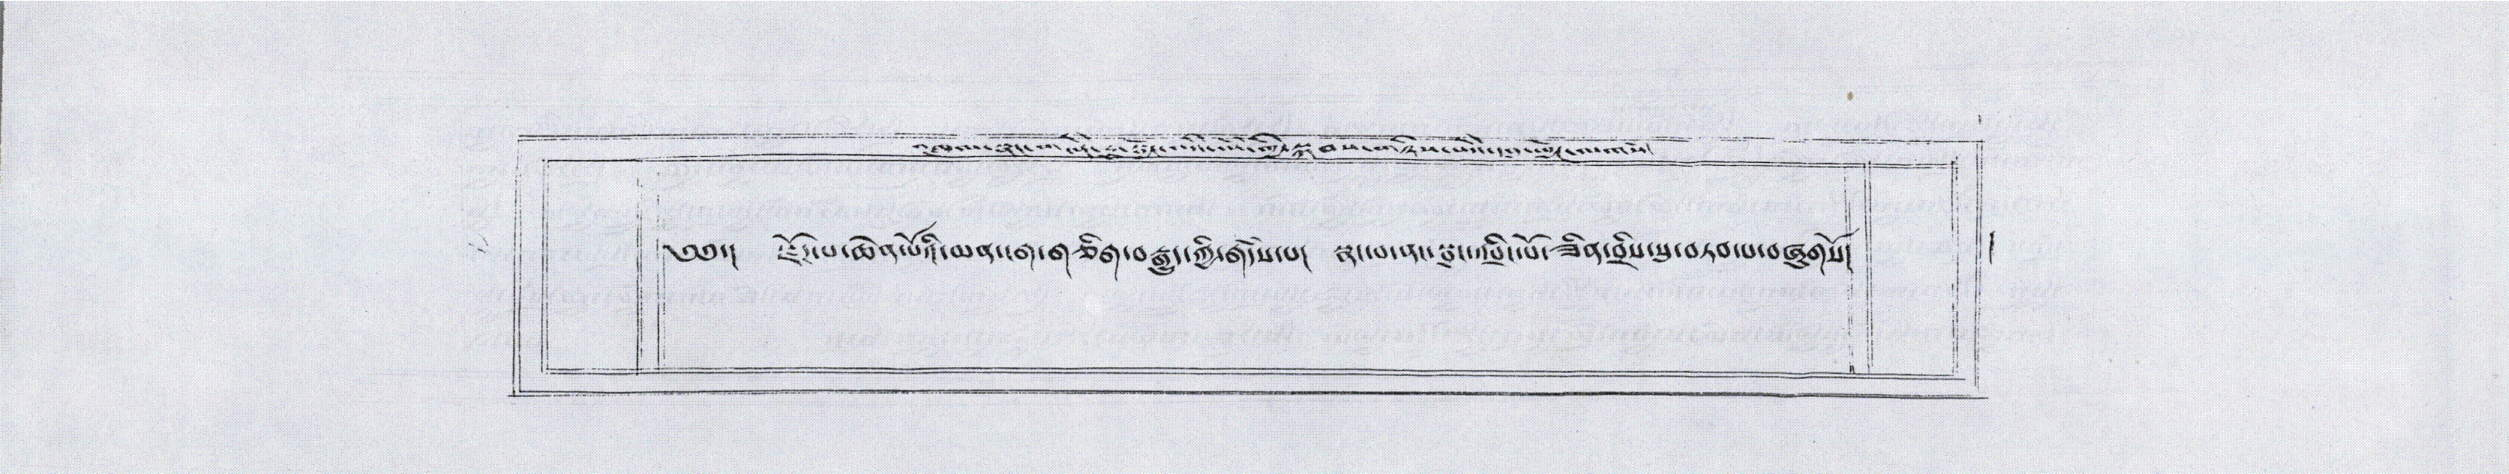༄༅།། རྫོགས་པ་ཆེན་པོའི་མན་ངག་གཅིག་བརྒྱུད་ཀྱི་གདམས་པ། སྣང་བ་ནད་སྦྱང་འབྲིང་པོ་ཟིན་བྲིས་སུ་བཏབ་པ་བཞུགས་སོ།